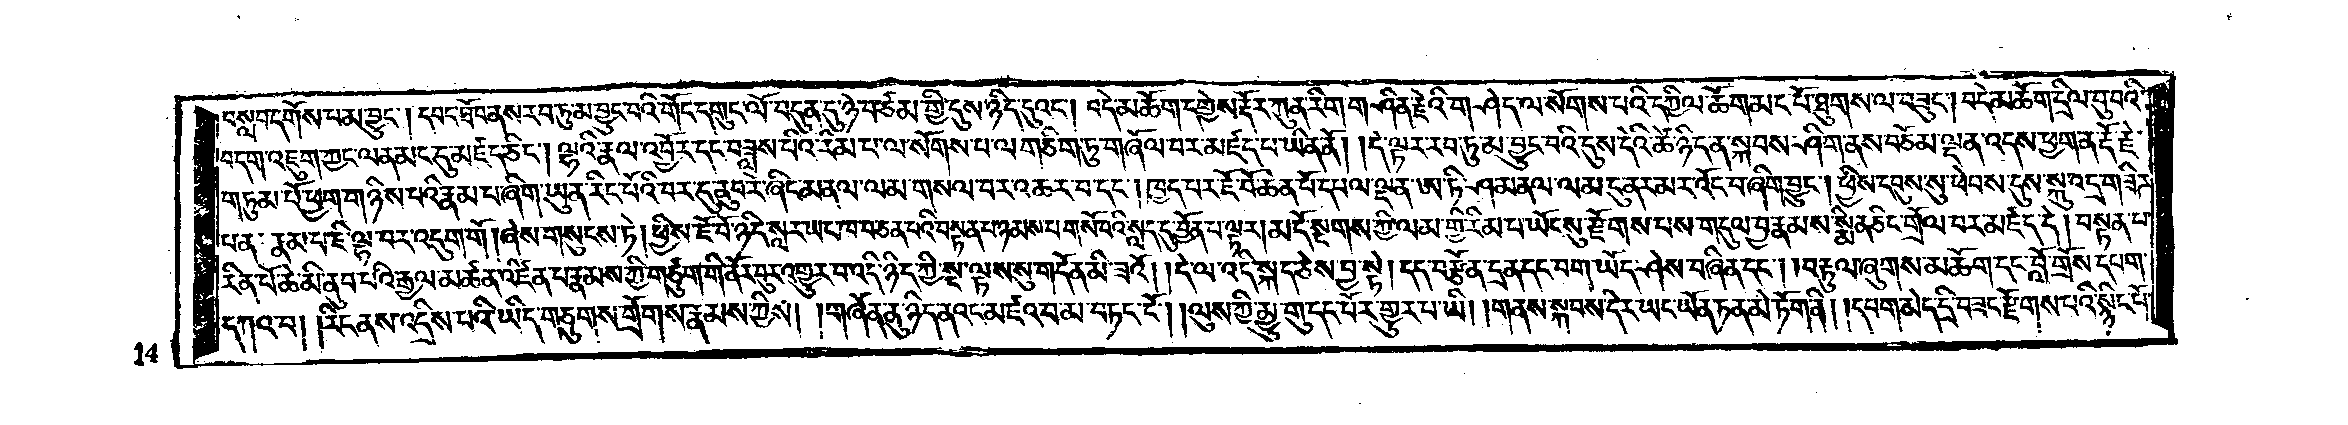བསླབ་དགོས་པ་མ་བྱུང་། དབང་ཐོབ་ནས་རབ་ཏུ་མ་བྱུང་བའི་གོང་དགུང་ལོ་བདུན་དུ་ཉེ་བ་ཙམ་གྱི་དུས་ཉིད་དུའང་། བདེ་མཆོག་དགྱེས་རྡོར་ཀུན་རིག་གཤིན་རྗེའི་གཤེད་ལ་སོགས་པའི་དཀྱིལ་ཆོག་མང་པོ་ཐུགས་ལ་བཟུང་། བདེ་མཆོག་དྲིལ་བུ་བའི་
བདག་འཇུག་ཀྱང་ལན་མང་དུ་མཛད་ཅིང་། ལྷའི་རྣལ་འབྱོར་དང་བཟླས་པའི་རིམ་པ་ལ་སོགས་པ་ལ་གཅིག་ཏུ་གཞོལ་བར་མཛད་པ་ཡིན་ནོ། །དེ་ལྟར་རབ་ཏུ་མ་བྱུང་བའི་དུས་དེའི་ཚེ་ཉིད་ན་སྐབས་ཤིག་ནས་བཅོམ་ལྡན་འདས་ཕྱག་ན་རྡོ་རྗེ་
གཏུམ་པོ་ཕྱག་གཉིས་པའི་རྣམ་པ་ཞིག་ཡུན་རིང་པོའི་བར་དུ་ནུབ་རེ་ཞིང་མནལ་ལམ་གསལ་བར་འཆར་བ་དང་། ཁྱད་པར་ཇོ་བོ་ཆེན་པོ་དཔལ་ལྡན་ཨ་ཏི་ཤ་མནལ་ལམ་དུ་ནར་མར་འོང་བ་ཞིག་བྱུང་། ཕྱིས་དབུས་སུ་ཕེབས་དུས་སྐུ་འདྲ་གཟིགས་
པ་ན་རྣམ་པ་ཇི་ལྷ་བར་འདུག་གོ །ཞེས་གསུངས་ཏེ། ཕྱིས་ཇོ་བོ་ཉིད་སླར་ཡང་ཁ་བ་ཅན་པའི་བསྟན་པ་ཉམས་པ་གསོ་བའི་སླད་དུ་བྱོན་པ་ལྟར། མདོ་སྔགས་ཀྱི་ལམ་གྱི་རིམ་པ་ཡོངས་སུ་རྫོགས་པས་གདུལ་བྱ་རྣམས་སྨིན་ཅིང་གྲོལ་བར་མཛད་དེ། བསྟན་པ་
རིན་པོ་ཆེ་མི་ནུབ་པའི་རྒྱལ་མཚན་འཛིན་པ་རྣམས་ཀྱི་གཙུག་གི་ནོར་བུར་འགྱུར་བ་འདི་ཉིད་ཀྱི་སྔ་ལྟས་སུ་གདོན་མི་ཟའོ། །དེ་ལ་འདི་སྐད་ཅེས་བྱ་སྟེ། དད་བརྩོན་དྲན་དང་བག་ཡོད་ཤེས་བཞིན་དང་། །བརྟུལ་ཞུགས་མཆོག་དང་བློ་གྲོས་དཔག་
དཀའ་བ། །རིང་ནས་འདྲིས་པའི་ཡིད་གཅུགས་གྲོགས་རྣམས་ཀྱིས། །གཞོན་ནུ་ཉིད་ནའང་མཛའ་བ་མ་བཏང་ངོ། །ལུས་ཀྱི་མྱུ་གུ་དང་པོར་གྱུར་པ་ཡི། །གནས་སྐབས་དེར་ཡང་ཡོན་ཏན་མེ་ཏོག་ནི། །དཔག་མེད་དྲི་བཟང་རྫོགས་པའི་སྙིང་པོ་